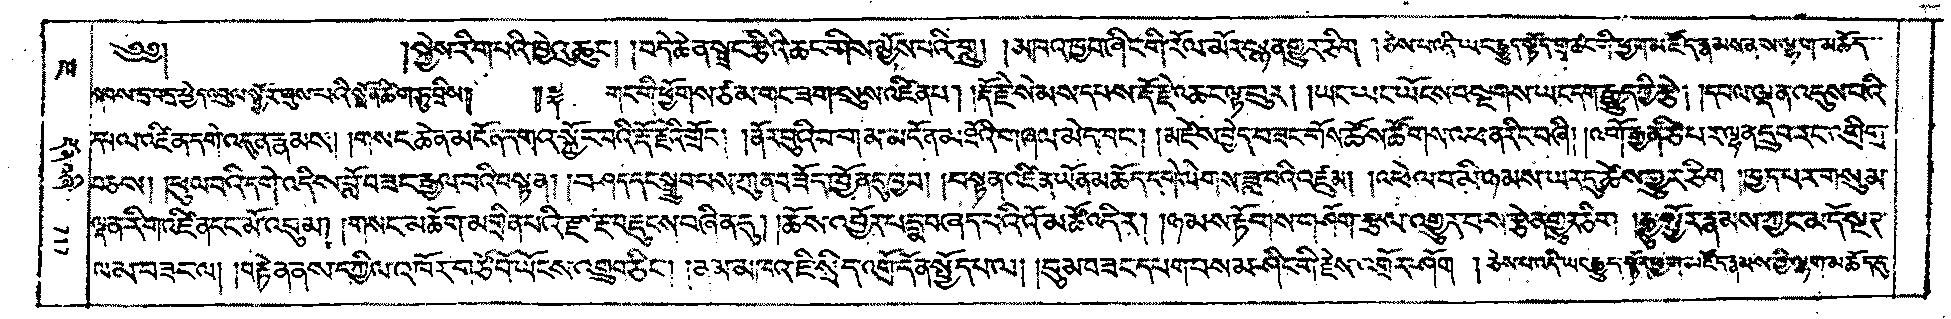༄༅། །སྐྱེས་རིག་པའི་ཁྱེའུ་ཆུང་། །བདེ་ཆེན་སྦྲང་རྩིའི་ཆང་གིས་མྱོས་པའི་གླུ། །མཁའ་ཁྱབ་ཞིང་གི་རོལ་མོར་སྙན་གྱུར་ཅིག །ཅེས་པ་འདི་ཡང་རྒྱུད་སྟོད་གྲྭ་ཚང་གི་ཕྱག་མཛོད་རྣམས་ནས་ལྷག་མཆོད་
སྐབས་དྲ་བ་དྲ་ཕྱེད་འབུལ་སྦྱོར་ཞུས་པའི་སྨོན་ཚིག་ཏུ་བྲིས།། །། ༈ གང་གི་ཕྱོགས་ཙམ་གང་ཟག་སུས་འཛིན་པ། །རྡོ་རྗེ་སེམས་དཔས་རྡོ་རྗེ་འཆང་ལྟ་བུར། །ཡང་ཡང་ཡོངས་བསྔགས་ཡང་དག་རྒྱུད་ཀྱི་རྩེ། །དཔལ་ལྡན་འདུས་པའི་
དཔལ་འཛིན་དགེ་འདུན་རྣམས། །གསང་ཆེན་མངོན་དགའ་སྐྱོང་བའི་རྡོ་རྗེའི་གྲོང་། །ནོར་བུའི་བ་གམ་མངོན་མཐོའི་གཞལ་མེད་ཁང་། །མཛེས་བྱེད་བཟང་གོས་ཚོས་ཚོགས་འཕན་རིང་བཞི། །འགོ་རྒྱན་ཙི་པར་ལྷན་དྲུབ་རང་འགྲིགས་
བཅས། །ཕུལ་བའི་དགེ་འདིས་བློ་བཟང་རྒྱལ་བའི་བསྟན། །བཤད་དང་སྒྲུབ་པས་ཀུན་བཟོད་ཁྱོན་དུ་ཁྱབ། །བསྟན་འཛིན་ཡོན་མཆོད་དགེ་ལེགས་ཟླ་བའི་འཛུམ། །འཕེལ་བ་མི་ཉམས་ཡར་དུ་ཚེས་གྱུར་ཅིག །ཁྱད་པར་གསུམ་
ལྡན་རིག་འཛིན་ངང་མོ་འབུམ། །གསང་མཆོག་མགྲིན་པའི་རྫ་རྔ་བརྡུངས་བཞིན་དུ། །ཆོས་འབྱོར་པདམ་བཞད་པའི་འོ་མཚོ་འདིར། །ཉམས་རྟོགས་གཤོག་རྩལ་འགྱུར་བས་རྩེན་གྱུར་ཅིག །རྒྱུ་སྦྱོར་རྣམས་ཀྱང་མདོ་སྔགས་
ལམ་བཟང་ལ། །བརྟེན་ནས་དཀྱིལ་འཁོར་གཙོ་བོ་ཡོངས་འགྲུབ་ཅིང་། །ནམ་མཁའ་ཇི་སྲིད་འགྲོ་དོན་སྤྱོད་པ་ལ། །བུམ་བཟང་དཔག་བསམ་ཤིང་གི་རྗེས་འགྲོར་ཤོག །ཅེས་པ་འདི་ཡང་རྒྱུད་སྟོད་ཕྱག་མཛོད་རྣམས་ཀྱི་ལྷག་མཆོད་དུ་